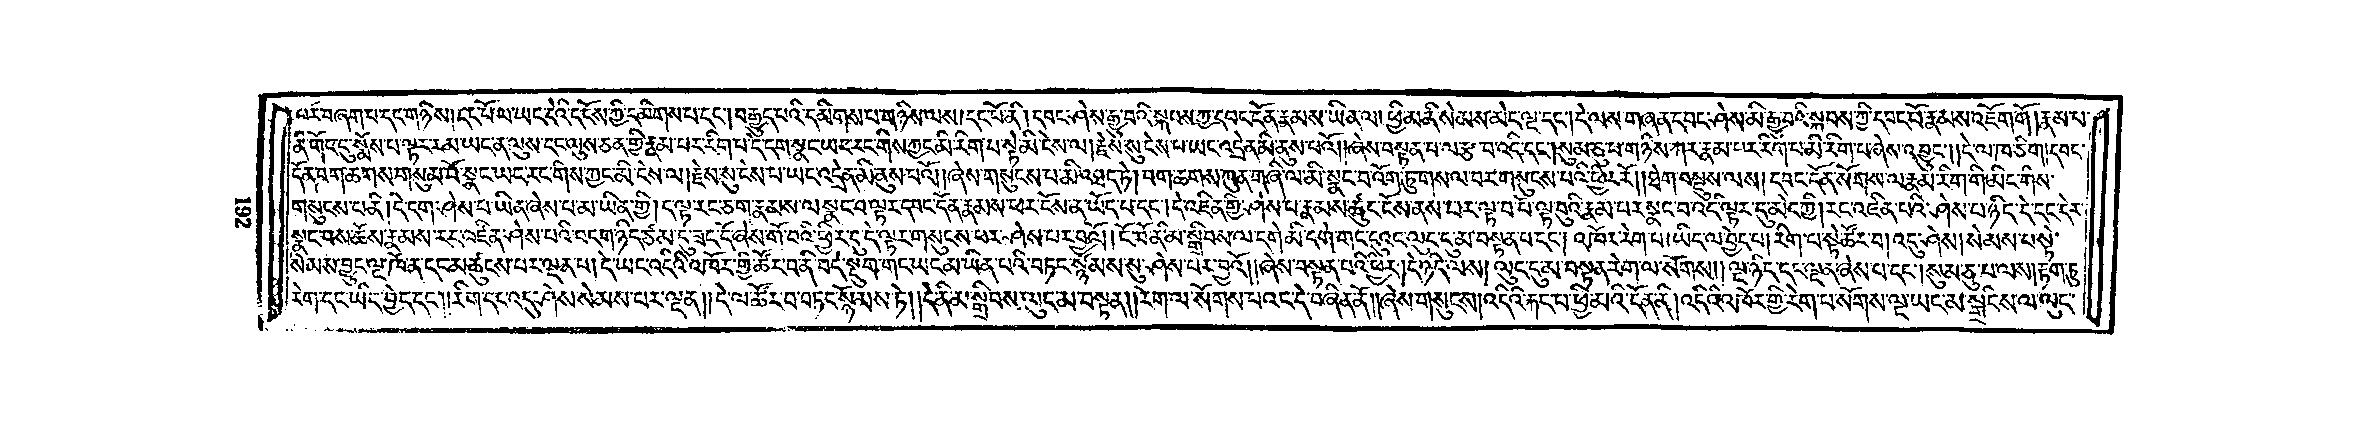པར་བཞག་པ་དང་གཉིས། །དང་པོ་ལ་ཡང་དེའི་དངོས་ཀྱི་དམིགས་པ་དང་། བརྒྱུད་པའི་དམིགས་པ་གཉིས་ལས། དང་པོ་ནི། དབང་ཤེས་རྒྱུ་བའི་སྐབས་ཀྱ་དབང་དོན་རྣམས་ཡིན་ལ། ཕྱི་མ་ནི་སེམས་མེད་ལྔ་དང་། དེ་ལས་གཞན་དབང་ཤེས་མི་རྒྱུ་བའི་སྐབས་ཀྱི་དབང་པོ་རྣམས་འཇོག་གོ །རྣམ་པ་
ནི་གོང་དུ་སྨོས་པ་ལྟར་རམ་ཡང་ན་ལུས་དང་ལུས་ཅན་གྱི་རྣམ་པར་རིག་པ་དེ་དག་སྣང་ཡང་རང་གིས་ཀྱང་མི་རིག་པ་སྟེ་མི་ངེས་ལ། རྗེས་སུ་ངེས་པ་ཡང་འདྲེན་མི་ནུས་པའོ། །ཞེས་བསྟན་པ་ལ་རྩ་བ་འདི་དང་། སུམ་ཅུ་པ་གཉིས་ཀར་རྣམ་པར་རིག་པ་མི་རིག་པ་ཞེས་འབྱུང་། །དེ་ལ་ཁ་ཅིག །དབང་
དོན་བག་ཆགས་གསུམ་པོ་སྣང་ཡང་རང་གིས་ཀྱང་མི་ངེས་ལ། རྗེས་སུ་ངེས་པ་ཡང་འདྲེན་མི་ནུས་པའོ། །ཞེས་གསུངས་པ་མི་འཐད་ཏེ། བག་ཆགས་ཀུན་གཞི་ལ་མི་སྣང་བ་འོག་ཏུ་གསལ་བར་གསུངས་པའི་ཕྱིར་རོ། །ཐེག་བསྡུས་ལས། དབང་དོན་སོགས་ལ་རྣམ་རིག་གི་མིང་གིས་
གསུངས་པ་ནི། དེ་དག་ཤེས་པ་ཡིན་ཞེས་པ་མ་ཡིན་གྱི། ད་ལྟ་རང་ཅག་རྣམས་ལ་སྣང་བ་ལྟར་དབང་དོན་རྣམས་ཕར་ངོས་ན་ཡོད་པ་དང་། དེ་འཛིན་གྱི་ཤེས་པ་རྣམས་ཚུང་ངོས་ནས་པར་ལྟ་བ་པོ་ལྟ་བུའི་རྣམ་པར་སྣང་བ་འདི་ལྟར་དུ་མེད་ཀྱི། རང་འཛིན་པའི་ཤེས་པ་ཉིད་དེ་དང་དེར་
སྣང་བས་ཆོས་རྣམས་རང་འཛིན་ཤེས་པའི་བདག་ཉིད་ཙམ་དུ་ཟད་དོ་ཞེས་གོ་བའི་ཕྱིར་དུ་དེ་ལྟར་གསུངས་ཕར་ཤེས་པར་བྱའོ། །ངོ་བོ་ནི་མ་སྒྲིབས་ལ་དགེ་མི་དགེ་གང་དུའང་ལུང་དུ་མ་བསྟན་པ་དང་། འཁོར་རེག་པ། ཡིད་ལ་བྱེད་པ། རིག་པ་སྟེ་ཚོར་བ། འདུ་ཤེས། སེམས་པ་སྟེ་
སེམས་བྱུང་ལྔ་ཁོ་ན་དང་མཚུངས་པར་ལྡན་པ། དེ་ཡང་འདིའི་འཁོར་གྱི་ཚོར་བ་ནི་བདེ་སྡུག་གང་ཡང་མ་ཡིན་པའི་བཏང་སྙོམས་སུ་ཤེས་པར་བྱའོ། །ཞེས་བསྟན་པའི་ཕྱིར། དེ་ཉིད་ལས། ལུང་དུ་མ་བསྟན་རེག་ལ་སོགས། །ལྔ་ཉིད་དང་ལྡན་ཞེས་པ་དང་། སུམ་ཅུ་པ་ལས། རྟག་ཏུ་
རེག་དང་ཡིད་བྱེད་དང་། །རིག་དང་འདུ་ཤེས་སེམས་པར་ལྡན། །དེ་ལ་ཚོར་བ་བཏང་སྙོམས་ཏེ།དེ་ནི་མ་སྒྲིབས་ལུང་མ་བསྟན། །རེག་ལ་སོགས་པའང་དེ་བཞིན་ནོ། །ཞེས་གསུངས། འདིའི་རྐང་པ་ཕྱི་མའི་དོན་ནི། འདིའི་འཁོར་གྱི་རེག་པ་སོགས་ལྔ་ཡང་མ་སྒྲིངས་ལ་ལུང་